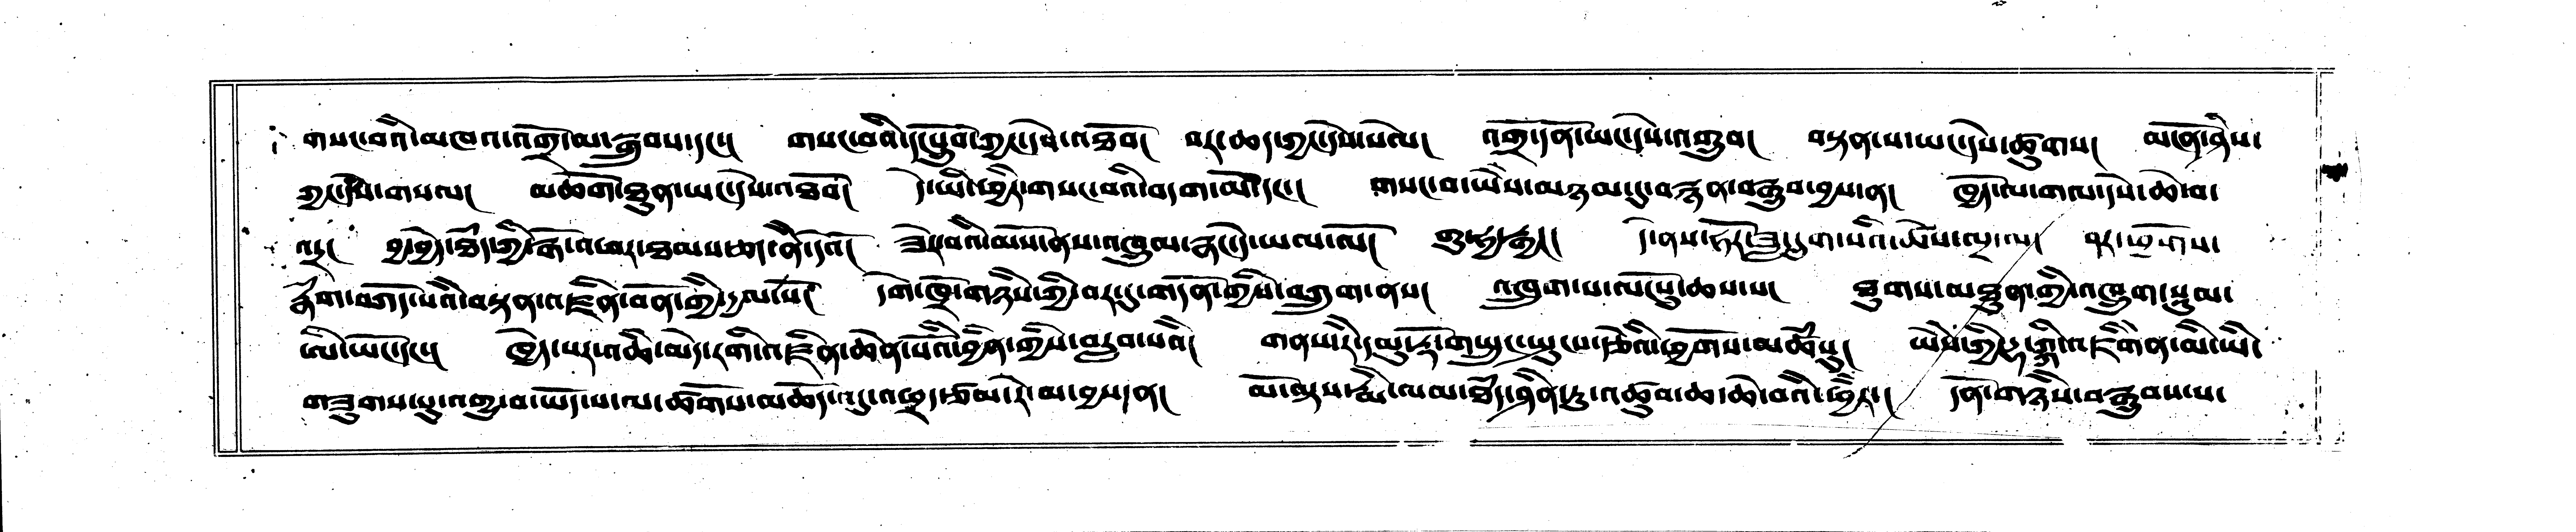གསང་བའི་མཁའ་འགྲོ་མ་སྒྲུབས་དང་། གསང་བའི་དངོས་གྲུབ་ཀྱང་དེས་འཐོབ། བར་ཆད་ཀྱང་དེས་སེལ། འགྲོ་དོན་ཡང་དེས་འགྲུབ། བསྟན་པ་ཡང་དེས་ཚུགས། མངོན་ཤེས་
ཀྱང་དེས་གསལ། མཆོག་ཐུན་ཡང་དེས་འཐོབ། དེ་ཡི་ཕྱིར་གསང་བའི་བདག་མོ་དང་། གསང་བ་ཡེ་ཤེས་མཉམ་དུ་བསྙེན་སྒྲུབ་བྱས་ན། ཁྱོད་ལ་གལ་དེས་ཆེ་བ་
འདྲ། བྱ་བྱེད་ཐམས་ཅད་ཀྱི་སྒོ་འཕར་ཐམས་ཅད་ནི་དེའོ། །ཟེར་བའི་མོས་ནས་འཁྲུལ་སྣང་དེ་ཡལ་ལོ། །གུ་ཧྱ་རྒྱ། དེ་ནས་ཧོར་ཟླ་དྲུག་པའི་ཚེས་ལྔ་ལ། ཤར་ཕྱོགས་
རྣམ་དག་བཀོད་པའི་བོན་གྱི་རྒྱལ་པོ། དགེ་ཁྲོ་གཉིས་ཀྱི་བར་དུ་གདོན་གྱིས་དཀྲུག་ནས། འཁྲུག་པ་ལོངས་སུ་ཆས་པ། ཐུགས་མཐུན་གྱི་འཁྲུག་སྡུམ་
ཨི་ཡོང་དང་། ཁྱད་པར་འཆི་མེད་རིག་འཛིན་ཆེན་པོས་བྱིན་གྱིས་བརླབས་པའི། གནས་རི་དམུ་རྡོ་གཡུང་དྲུང་སྤུངས་པའི་ཕྱོགས་མཚམས་སུ། ཡེ་ཤེས་ཌཱཀྐི་འཇིག་རྟེན་མི་ཡི་
གཟུགས་སུ་འགྱུ་བ་ཡོད་པ་ལ། ཚོགས་མཆོད་འདུ་འཕྲད་ཙམ་རེ་མ་བྱས་ན། མོ་ལྟས་རྨི་ལམ་ཐམས་ཅད་ཤིན་ཏུ་འཚུབ་ཆ་ཆེ་བའི་ཕྱིར། དོན་གཉིས་བསྒྲུབས་པ་